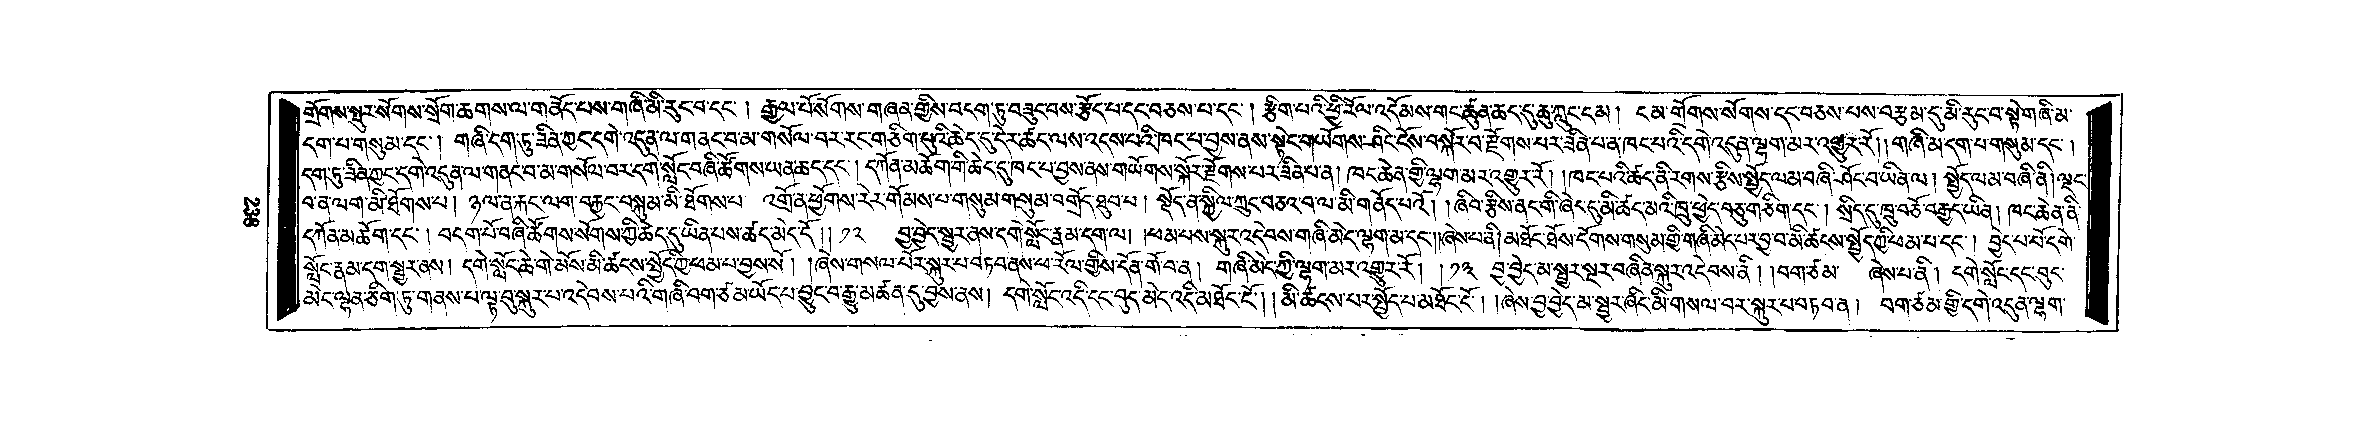གྲོགས་སྤུར་སོགས་སྲོག་ཆགས་ལ་གནོད་པས་གཞི་མི་རུང་བ་དང་། རྒྱལ་པོ་སོགས་གཞན་གྱིས་བདག་ཏུ་བཟུང་བས་རྩོད་པ་དང་བཅས་པ་དང་། རྩིག་པའི་ཕྱི་རོལ་འདོམས་གང་ཚུན་ཆད་དུ་ཆུ་ཀླུང་ངམ། ངམ་གྲོགས་སོགས་དང་བཅས་པས་བརྩམ་དུ་མི་རུང་བ་སྟེ་གཞི་མ་
དག་པ་གསུམ་དང་། གཞི་དག་ཏུ་ཟིན་ཀྱང་དགེ་འདུན་ལ་གནང་བ་མ་གསོལ་བར་རང་གཅིག་པུའི་ཆེད་དུ་དེར་ཚད་ལས་འདས་པའི་ཁང་པ་བྱས་ནས་སྟེང་གཡོགས་ཤིང་ངོས་བསྐོར་བ་རྫོགས་པར་ཟིན་པ་ན་ཁང་པའི་དགེ་འདུན་ལྷག་མར་འགྱུར་རོ། །གཞི་མ་དག་པ་གསུམ་དང་།
དག་ཏུ་ཟིན་ཀྱང་དགེ་འདུན་ལ་གནང་བ་མ་གསོལ་བར་དགེ་སློང་བཞི་ཚོགས་ཡན་ཆད་དང་། དཀོན་མཆོག་གི་ཆེད་དུ་ཁང་པ་བྱས་ནས་གཡོགས་སྐོར་རྫོགས་པར་ཟིན་པ་ན། ཁང་ཆེན་གྱི་ལྷག་མར་འགྱུར་རོ། །ཁང་པའི་ཚད་ནི་རགས་རྩིས་སྤྱོད་ལམ་བཞི་ཤོང་བ་ཡིན་ལ། སྤྱོད་ལམ་བཞི་ནི། ལྡང་
བ་ན་ལག་མི་ཐོགས་པ། ཉལ་ན་རྐང་ལག་བརྐྱང་བསྐུམ་མི་ཐོགས་པ་འགྲོ་ན་ཕྱོགས་རེར་གོམས་པ་གསུམ་གསུམ་བགྲོད་ཐུབ་པ། སྡོད་ན་སྐྱིལ་ཀྲུང་བཅའ་བ་ལ་མི་གནོད་པའོ། །ཞིབ་རྩིས་ནང་གི་ཞེང་དུ་མི་ཚད་མའི་ཁྲུ་ཕྱེད་བཅུ་གཅིག་དང་། སྲིད་དུ་ཁྲུ་བཅོ་བརྒྱད་ཡིན། ཁང་ཆེན་ནི་
དཀོན་མཆོག་དང་། བདག་པོ་བཞི་ཚོགས་སོགས་ཀྱི་ཆེད་དུ་ཡིན་པས་ཚད་མེད་དོ། །བྱ་བྱེད་སྦྱར་ནས་དགེ་སློང་རྣམ་དག་ལ། །ཕམ་པས་སྐུར་འདེབས་གཞི་མེད་ལྷག་མ་དང་། །ཞེས་པ་ནི། མཐོང་ཐོས་དོགས་གསུམ་གྱི་གཞི་མེད་པར་བྱ་བ་མི་ཚངས་སྤྱོད་ཀྱི་ཕམ་པ་དང་། བྱེད་པ་པོ་དགེ་
སློང་རྣམ་དག་སྦྱར་ནས། དགེ་སློང་ཆེ་གེ་མོས་མི་ཚངས་སྤྱོད་ཀྱི་ཕམ་པ་བྱས་སོ། །ཞེས་གསལ་པོར་སྐུར་པ་བཏབ་ནས་ཕ་རོལ་གྱིས་དོན་གོ་བ་ན། གཞི་མེད་ཀྱི་ལྷག་མར་འགྱུར་རོ། །བྱ་བྱེད་མ་སྦྱར་སྔར་བཞིན་སྐུར་འདེབས་ནི། །བག་ཙམ་ཞེས་པ་ནི། དགེ་སློང་དང་བུད་
མེད་ལྷན་ཅིག་ཏུ་གནས་པ་ལྟ་བུ་སྐུར་པ་འདེབས་པའི་གཞི་བག་ཙམ་ཡོད་པ་བྱུང་བ་རྒྱུ་མཚན་དུ་བྱས་ནས། དགེ་སློང་འདི་དང་བུད་མེད་འདི་མཐོང་ངོ། །མི་ཚངས་པར་སྤྱོད་པ་མཐོང་ངོ། །ཞེས་བྱ་བྱེད་མ་སྦྱར་ཞིང་མི་གསལ་བར་སྐུར་པ་བཏབ་ན། བག་ཙམ་གྱི་དགེ་འདུན་ལྷག་